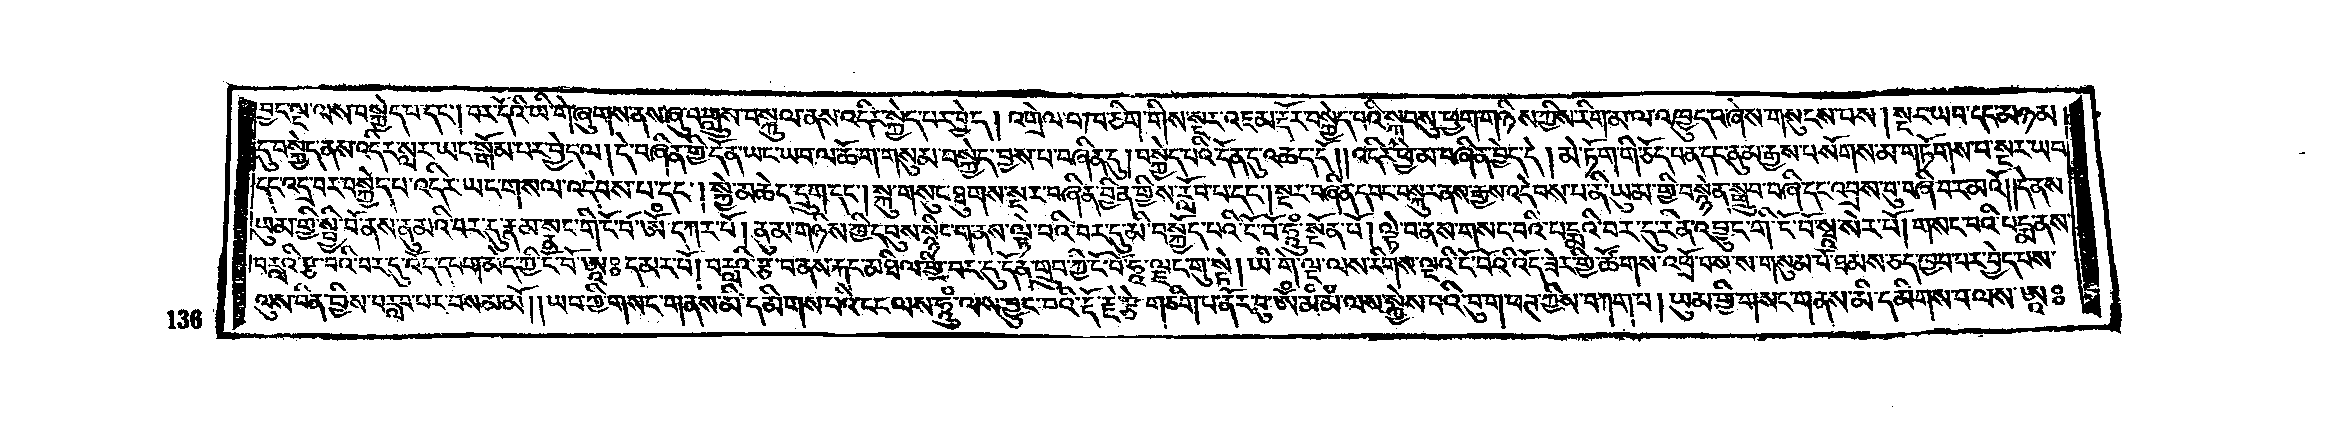བྱང་ལྔ་ལས་བསྐྱེད་པ་དང་། བར་དོའི་ཡི་གེ་ཞུགས་ནས་ཞུ་བ་གླུས་བསྐུལ་ནས་འདིར་སྐྱེད་པར་བྱེད། འགྲེལ་པ་ཁ་ཅིག་གིས་སྔར་འཇམ་རྡོར་བསྐྱེད་པའི་སྐབས་སུ་ཕྱག་གཉིས་ཀྱིས་རིག་མ་ལ་འཁྱུད་པ་ཞེས་གསུངས་པས། སྔར་ཡབ་དང་མཉམ་
དུ་བསྐྱེད་ནས་འདིར་སླར་ཡང་སྒོམ་པར་བྱེད་ལ། དེ་བཞིན་གྱི་དོན་ཡང་ཡབ་ལ་ཆོ་ག་གསུམ་བསྐྱེད་བྱས་པ་བཞིན་དུ། བསྐྱེད་པའི་དོན་དུ་འཆད་དོ། །འདིར་ཕྱི་མ་བཞིན་བྱེད་དེ། མེ་ཏོག་གི་ཅོད་པན་དང་ནུ་མ་རྒྱས་པ་སོགས་མ་གཏོགས་པ་སྔར་ཡབ་
དང་འདྲ་བར་བསྐྱེད་པ་འདིར་ཡང་གསལ་འདེབས་པ་དང་། སྐྱེ་མཆེད་དྲུག་དང་། སྐུ་གསུང་ཐུགས་སྔར་བཞིན་བྱིན་གྱིས་རློབ་པ་དང་། སྔར་བཞིན་དབང་བསྐུར་ནས་རྒྱས་འདེབས་པ་ནི་ཡུམ་གྱི་བསྙེན་སྒྲུབ་བཞི་དང་འབྲས་བུ་བཞི་བར་མའོ། །དེ་ནས་
ཡུམ་གྱི་སྤྱི་བོ་ནས་ནུ་མའི་བར་དུ་རྣམ་སྣང་གི་ངོ་བོ་ཨོཾ་དཀར་པོ། ནུ་མ་གཉིས་ཀྱི་དབུས་སྙིང་ག་ནས་ལྟེ་བའི་བར་དུ་མི་བསྐྱོད་པའི་ངོ་བོ་ཧཱུཾ་སྔོན་པོ། ལྟེ་བ་ནས་གསང་བའི་པདམའི་བར་དུ་རིན་འབྱུང་གི་ངོ་བོ་སྭཱ་སེར་པོ། གསང་བའི་པདམ་ནས་
བརླའི་རྩ་བའི་བར་དུ་འོད་དཔག་མེད་ཀྱི་ངོ་བོ་ཨཱཿ དམར་པོ། བརླའི་རྩ་བ་ནས་རྐང་མཐིལ་གྱི་བར་དུ་དོན་གྲུབ་ཀྱི་ངོ་བོ་ཧཱ་ལྗང་གུ་སྟེ། ཡི་གེ་ལྔ་ལས་རིགས་ལྔའི་ངོ་བོའི་འོད་ཟེར་གྱི་ཚོགས་འཕྲོ་བས་ས་གསུམ་པོ་ཐམས་ཅད་ཁྱབ་པར་བྱེད་པས་
ལུས་བྱིན་གྱིས་བརླབ་པར་བསམ་མོ། །ཡབ་ཀྱི་གསང་གནས་མི་དམིགས་པའི་ངང་ལས་ཧཱུཾ་ལས་བྱུང་བའི་རྡོ་རྗེ་རྩེ་གཅིག་པ་ནོར་བུ་མཾ་མཾ་ལས་སྐྱེས་པའི་བུག་ཕཊ་ཀྱིས་བཀག་པ། ཡུམ་གྱི་གསང་གསང་གནས་མི་དམིགས་པ་ལས་ཨཱཿ